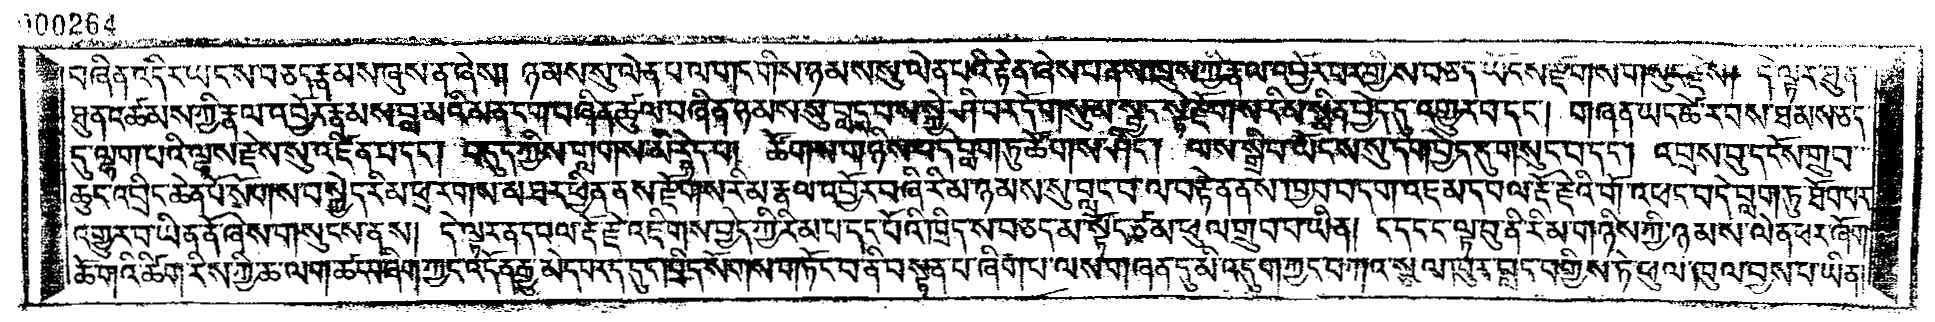བཞིན་འདིར་ཡང་ས་བཅད་རྣམས་ཞུས་ན་ཞེས། ཉམས་སུ་ལེན་པ་ལ་གང་གིས་ཉམས་སུ་ལེན་པའི་རྟེན་ཞེས་པ་ནས་ཁྲུས་ཀྱི་རྣལ་འབྱོར་བར་གྱིས་བཅད་ཡོངས་རྫོགས་གསུང་རྗེས། དེ་ལྟར་ཐུན་
ཐུན་འཚམས་ཀྱི་རྣལ་འབྱོར་རྣམས་བླ་མའི་མན་ངག་བཞིན་ཚུལ་བཞིན་ཉམས་སུ་བླངས་བས་སྐྱེ་ཤི་བར་དོ་གསུམ་སྦྱང་སྟེ་རྫོགས་རིམ་སྨིན་བྱེད་དུ་འགྱུར་བ་དང་། གཞན་ཡང་ཚེ་རབས་ཐམས་ཅད་
དུ་ལྷག་པའི་ལྷས་རྗེས་སུ་འཛིན་པ་དང་། བདུད་ཀྱིས་གླགས་མི་རྙེད་པ། ཚོགས་གཉིས་བདེ་བླག་ཏུ་ཚོགས་ཤིང་། ལས་སྒྲིབ་ཡོངས་སུ་དག་བྱེད་དུ་གསུང་བ་དང་། འབྲས་བུ་དངོས་གྲུབ་
ཆུང་འབྲིང་ཆེན་པོ་སོགས་བསྐྱེད་རིམ་ཕྲ་རགས་མཐར་ཕྱིན་ནས་རྫོགས་རིམ་རྣལ་འབྱོར་བཞི་རིམ་ཉམས་སུ་བླང་བ་ལ་བརྟེན་ནས་ཁྱབ་བདག་འཇམ་དཔལ་རྡོ་རྗེའི་གོ་འཕང་བདེ་བླག་ཏུ་ཐོབ་པར་
འགྱུར་བ་ཡིན་ནོ་ཞེས་གསུངས་ནས། དེ་ལྟར་ན་དཔལ་རྡོ་རྗེ་འཇིགས་བྱེད་ཀྱི་རིམ་པ་དང་པོའི་ཁྲིད་ས་བཅད་མ་སྟོང་ཙམ་ཕུལ་གྲུབ་པ་ཡིན། ང་དང་ང་ལྟ་བུ་ནི་རིམ་གཉིས་ཀྱི་ཉམས་ལེན་ཕར་ཞོག་
ཆོ་གའི་ཚིག་རིས་ཀྱི་ཆ་ལག་ཚང་བཞིག་ཀྱང་འདོན་རྒྱུ་མེད་པར་ད་དུང་ཁྲིད་སོགས་གཏོང་བ་ནི་བསྟན་པ་ཞིག་པ་ལས་གཞན་དུ་མི་འདུག་ཀྱང་བཀའ་སྩལ་ཁུར་བླང་བགྱིས་ཏེ་ཕུལ་ཁུལ་བྱས་པ་ཡིན།